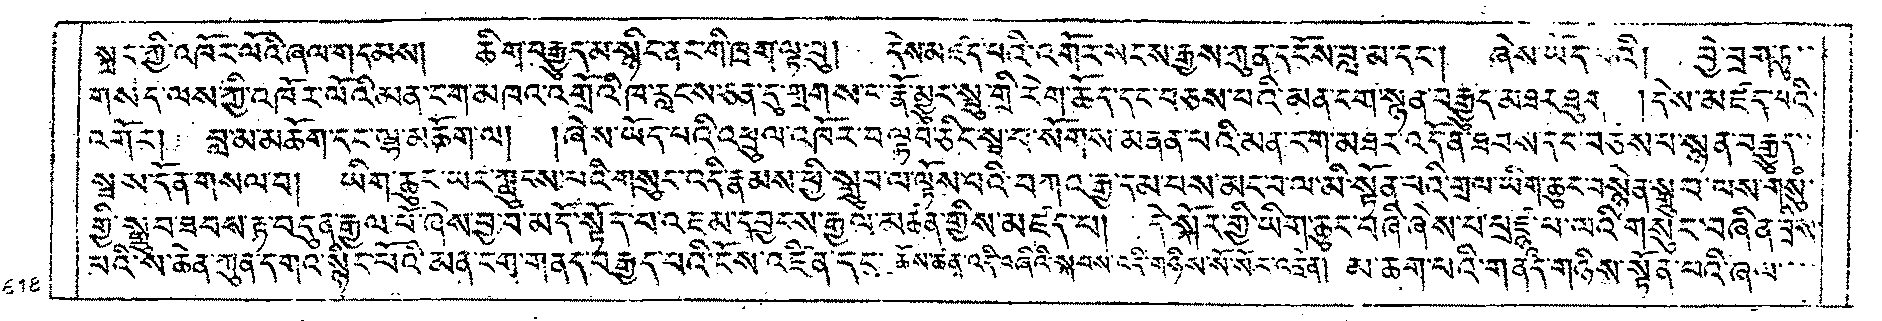སྐྲད་ཀྱི་འཁོར་ལོའི་ཞལ་གདམས། ཆིག་བརྒྱུད་མ་སྙིང་ནང་གི་ཁྲག་ལྟ་བུ། དེས་མཛད་པའི་འགོར་སངས་རྒྱས་ཀུན་དངོས་བླ་མ་དང་། ཞེས་ཡོད་པའི། བྱེ་བྲག་ཏུ་
གསད་ལས་ཀྱི་འཁོར་ལོའི་མན་ངག་མཁའ་འགྲོའི་ཁ་རླངས་ཅན་དུ་གྲགས་པ་རྣོ་མྱུར་སྤུ་གྲི་རེག་ཆོད་དང་བཅས་པའི་མན་ངག་སྙན་བརྒྱུད་མཐར་ཐུག །དེས་མཛད་པའི་
འགོར། བླ་མ་མཆོག་དང་ལྷ་མཆོག་ལ། །ཞེས་ཡོད་པའི་འཕྲུལ་འཁོར་བ་ལྟ་བ་ཅིང་སྦ་བ་སོགས་མནན་པའི་མན་ངག་མཐར་འདོན་ཐབས་དང་བཅས་པ་སྙན་བརྒྱུད་
སྦས་དོན་གསལ་བ། ཡིག་ཆུང་ཡར་ཀླུངས་པའི་གསུང་འདི་རྣམས་ཕྱི་སྒྲུབ་ལ་ལྟོས་པའི་བཀའ་རྒྱ་དམ་པས་མང་བ་ལ་མི་སྟོན་པའི་གྲལ་ཡིག་ཆུང་བསྙེན་སྒྲུབ་ལས་གསུམ་
གྱི་སྒྲུབ་ཐབས་རྟ་བདུན་རྒྱལ་པོ་ཞེས་བྱ་བ་མདོ་སྟོད་པ་འཇམ་དབྱངས་རྒྱལ་མཚན་གྱིས་མཛད་པ། དེ་སྐོར་གྱི་ཡིག་ཆུང་བཞི་ཞེས་པ་པྲཛྙཱ་པ་ལའི་གསུང་བཞིན་བྲིས་
པའི་ས་ཆེན་ཀུན་དགའ་སྙིང་པོའི་མན་ངག་གནད་བརྒྱད་པའི་ངོས་འཛིན་དང་ཆོས་ཚན་འདི་བཞིའི་སྐབས་འདི་གཉིས་སོ་སོར་འདྲེན།  མ་ཆག་པའི་གནད་གཉིས་སྟོན་པའི་ཞལ་